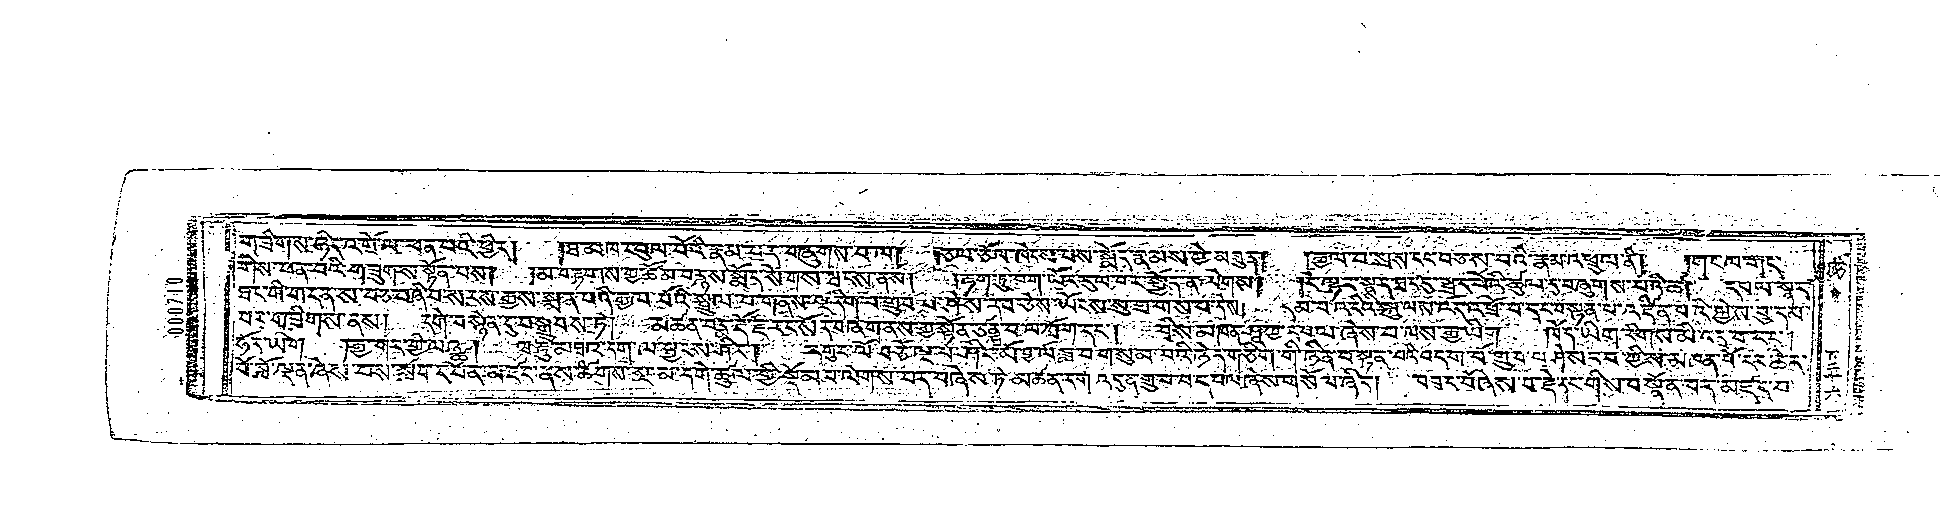གཟིགས་ཉིད་འགྲོ་ལ་ཕན་པའི་ཕྱིར། །ཐ་མལ་དབུལ་པོའི་རྣམ་པར་བཞུགས་པ་ལ། །ཅལ་ཅོལ་ཁེངས་པས་སྨོད་རྣམས་ཀྱེ་མ་བླུན། །རྒྱལ་བ་སྲས་དང་བཅས་པའི་རྣམ་འཕྲུལ་ནི། །གང་ལ་གང་
གིས་ཕན་བའི་གཟུགས་སྟོན་པས། །མ་བརྟགས་གྱ་ཚོམ་བརྙས་སྨོད་སོགས་སྤངས་ནས། །རྟག་ཏུ་བག་ཡོད་དུལ་བར་སྤྱོད་ན་ལེགས། །དེ་ལྟར་སྣར་ཐང་དུ་སྦྲང་པོའི་ཚུལ་དུ་བཞུགས་པའི་ཚ། དཔལ་སྣང་
ཐང་གི་གདན་ས་བཅ་བཞི་བ་སངས་རྒྱས་སྨན་པའི་རྒྱལ་པོའི་སྦྲུལ་པ་གནས་ལྔ་རིག་པ་གྲུབ་པ་ཤེས་རབ་ཅེས་ཡོངས་སུ་གྲགས་བ་དེས། དམ་པ་འདིའི་སྐུ་ལས་འོད་འཕྲོ་བ་དང་བསྟན་པ་འཛིན་པའི་སྐྱེས་བུ་དམ་
པར་གཟིགས་ནས། དགེ་བསྙེན་དུ་བསྒྲུབས་ཏེ། མཚན་པདམ་རྡོ་རྗེ་རང་སོར་བཞག་ནས་གྱ་སྟོན་ཙནྟྲ་པ་ལ་ཀྲོག་དང་། བྲིས་མཁན་ཤཱཀྱ་དཔལ་ཞེས་པ་ལས་རྒྱ་ཡིག །བོད་ཡིག་རིགས་མི་འདྲ་བ་དང་།
ཧོར་ཡིག །རྒྱ་གར་གྱི་ལཉྪ། ཝརྟུ་མཐའ་དག་ལ་སྦྱངས་ཤིང་། དགུང་ལོ་བཅོ་ལྔ་པ་ཤིང་མོ་བྱ་ལོ་ཟླ་བ་གསུམ་པའི་ཉེར་གཅིག་གི་ཉིན་བསྟན་པའི་བདག་པོ་གྲུབ་པ་ཤེས་རབ་ཀྱིས་མཁན་པོ་དང་ཆེན་
བོ་བློ་ལྡན་ཞེས་པས་སློབ་དཔོན་མཛད་ནས་ཚིགས་སྔ་མ་དགེ་ཚུལ་གྱི་སྡོམ་པ་ལེགས་པར་བཞེས་ཏེ་མཚན་དགེ་འདུན་གྲུབ་པ་དཔལ་ཞེས་གསོལ་ཞིང་། བཟང་བོ་ཞེས་བ་རྗེ་རང་གིས་བསྣོན་བར་མཛད་པ་